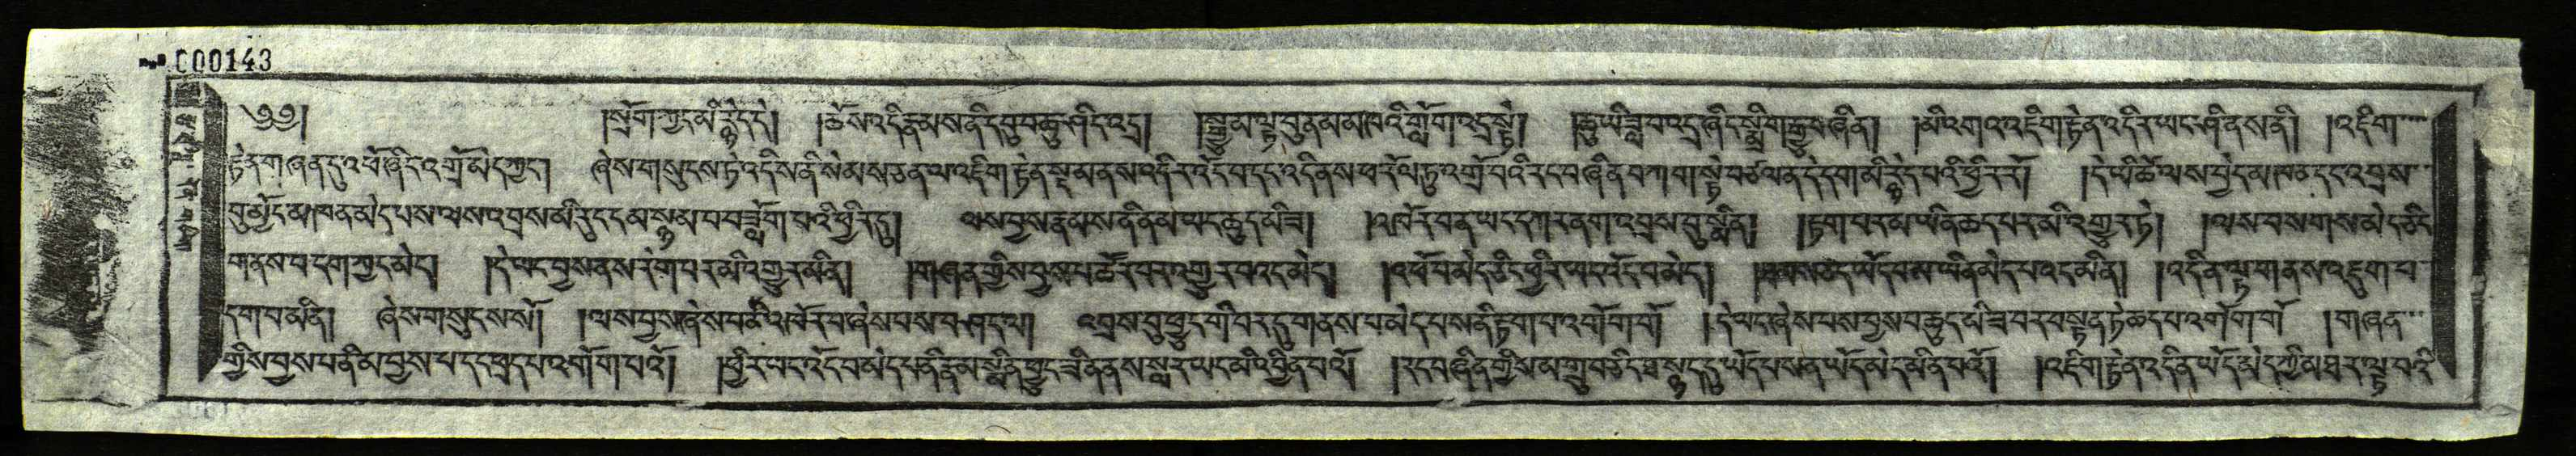༄༅། །སྲོག་ཀྱང་མི་རྙེད་དེ། །ཆོས་འདི་རྣམས་ནི་དབུ་བ་ཆུ་ཤིང་འདྲ། །སྒྱུ་མ་ལྟ་བུ་ནམ་མཁའི་གློག་འདྲ་སྟེ། །ཆུ་ཡི་ཟླ་བ་འདྲ་ཞིང་སྨྲིག་རྒྱུ་བཞིན། །མི་འགའ་འཇིག་རྟེན་འདིར་ཡང་ཤི་ནས་ནི། །འཇིག་
རྟེན་གཞན་དུ་འཕོ་ཞིང་འགྲོ་མེད་ཀྱང་། ཞེས་གསུངས་ཏེ་འདིས་ནི་སེམས་ཅན་ལ་འཇིག་རྟེན་སྔ་མ་ནས་འདིར་འོང་བ་དང་འདི་ནས་ཕ་རོལ་ཏུ་འགྲོ་བའི་རང་བཞིན་བཀག་སྟེ་བཙལ་ན་དེ་དག་མི་རྙེད་པའི་ཕྱིར་རོ། །དེ་ཡི་ཚེ་ལས་བྱེད་མཁན་དང་འབྲས་
བུ་མྱོང་མཁན་མེད་པས་ལས་འབྲས་མི་རུང་ངམ་སྙམ་པ་བཟློག་པའི་ཕྱིར་དུ། ལས་བྱས་རྣམས་ནི་ནམ་ཡང་ཆུད་མི་ཟ། །འཁོར་བ་ན་ཡང་དཀར་ནག་འབྲས་བུ་སྨིན། །རྟག་པར་མ་ཡིན་ཆད་པར་མི་འགྱུར་ཏེ། །ལས་བསགས་མེད་ཅིང་
གནས་པ་དག་ཀྱང་མེད། །དེ་ཡང་བྱས་ནས་རེག་པར་མི་འགྱུར་མིན། །གཞན་གྱིས་བྱས་པ་ཚོར་བར་འགྱུར་བའང་མེད། །འཕོ་བ་མེད་ཅིང་ཕྱིར་ཡང་འོང་བ་མེད། །ཐམས་ཅད་ཡོད་པས་ཡིན་མེད་པའང་མིན། །འདི་ན་ལྟ་གནས་འཇུག་པ་
དག་པ་མིན། ཞེས་གསུངས་སོ། །ལས་བྱས་ཞེས་པ་ནི་འཁོར་བ་ཞེས་པས་བཤད་ལ། འབྲས་བུ་ཕྱུང་གི་བར་དུ་གནས་པ་མེད་པས་ནི་རྟག་པ་འགོག་གོ། །དེ་ཡང་ཞེས་པས་བྱས་པ་ཆུད་མི་ཟ་བར་བསྟན་ཏེ་ཆད་པ་འགོག་གོ །གཞན་
གྱིས་བྱས་པ་ནི་མ་བྱས་པ་དང་ཕྲད་པ་འགོག་པའོ། །ཕྱིར་ཡང་འོང་བ་མེད་པ་ནི་རྣམ་སྨིན་ཕྱུང་ཟིན་ནས་སླར་ཡང་མི་འབྱིན་པའོ། །རང་བཞིན་གྱིས་མ་གྲུབ་ཅིང་ཐ་སྙད་དུ་ཡོད་པས་ན་ཡོད་མེད་མིན་པའོ། །འཇིག་རྟེན་འདི་ན་ཡོད་མེད་ཀྱི་མཐར་ལྟ་བའི་